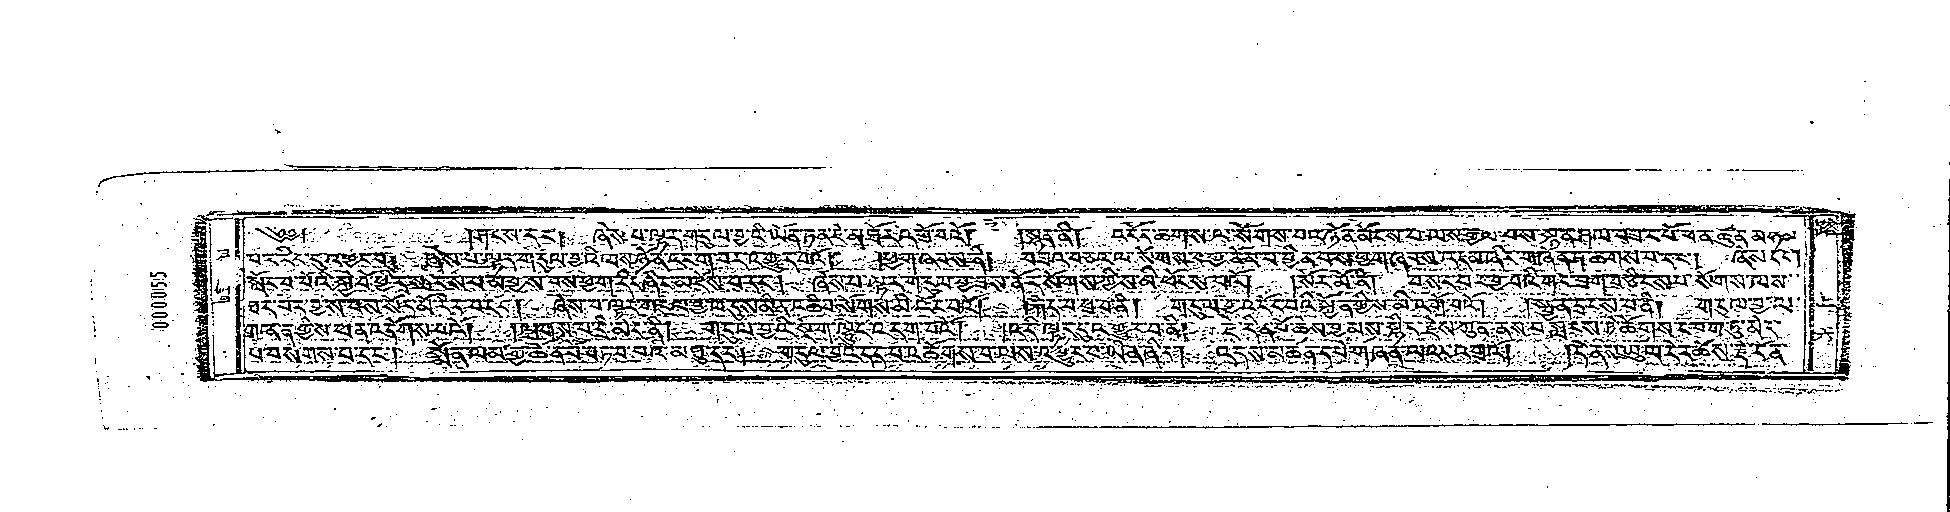༄༅། །ཤངས་དང་། ཞེས་པ་ལྟར་གདུལ་བྱའི་ཡོན་ཏན་ཇེ་མཐོར་འགྲོ་བའོ། །སྙན་ནི། འདོད་ཆགས་ལ་སོགས་པའི་ཉོན་མོངས་པ་ལས་རྒྱལ་བས་སྙན་ཤལ་བཟང་པོ་ཕན་ཚུན་མཉམ་
པར་རིང་དུ་འཕྱང་བ། ཞེས་པ་ལྟར་གདུལ་བྱའི་ལས་ཉོན་འང་པར་འགྱུར་བའོ། །ཕྱག་ཞབས་ནི། བཟའ་བཅའ་ལ་སོགས་བགྱ་ནོམ་པ་བྱིན་པས་ཕྱག་ཞབས་འཇམ་ཞིང་གཞོན་ཤ་ཆགས་པ་དང་། ཞེས་དང་།
སློང་བ་པོའི་སྐྱེ་བོ་ཕྱིར་སྤངས་པ་མ་བྱས་པས་ཕྱག་རིང་ཞིང་མཛེས་བ་དང་། ཞེས་པ་ལྟར་གདུལ་བྱ་ཟས་ནོར་སོགས་ཀྱིས་མི་ཕོངས་པའོ། །སོར་མོ་ནི། བསང་པར་བྱ་བའི་གང་བྲག་བཅིངས་པ་སོགས་ཁས་
ཐར་པར་བྱས་བས་སོར་མོ་རིང་བ་དང་། ཞེས་བ་ལྟར་གདུལ་བྱ་ལ་དུས་མིན་འཆི་བ་སོགས་མི་འོང་བའོ། །རྐང་བ་ཕྲ་བ་ནི། གདུལ་བྱ་འདོད་པའི་སྐྱོན་གྱིས་མི་འགོ་བའོ། །སྤྱན་དྭངས་པ་ནི། གདུལ་བྱ་ལ་
གཞན་གྱིས་ཕན་འདོགས་པའོ། །ལྤགས་པ་དྲི་མེད་ནི། གདུལ་བྱའི་སྡིག་ལྟུང་འདག་པའོ། །འདི་ལྟར་དུ་འགྱུར་བ་ནི། རྗེ་རིན་པོ་ཆེས་བྱམས་སྙིང་རྗེས་ཀུན་ནས་བསླངས་ཏེ་ཆོགས་དཔག་ཏུ་མེད་
བ་བསགས་པ་དང་། སྨོན་ལམ་རྒྱ་ཆེན་པོ་བཏབ་བའི་མཐུ་དང་། གདུལ་བྱའི་དང་པ་འཆོགས་བ་ལས་འབྱུང་བ་ཡིན་ཞིང་། འདིས་མཚན་དཔེ་གཞན་ལའང་འགྲོའོ། །དེ་ནས་ཡུལ་དེར་ཆོས་རྗེ་དོན་